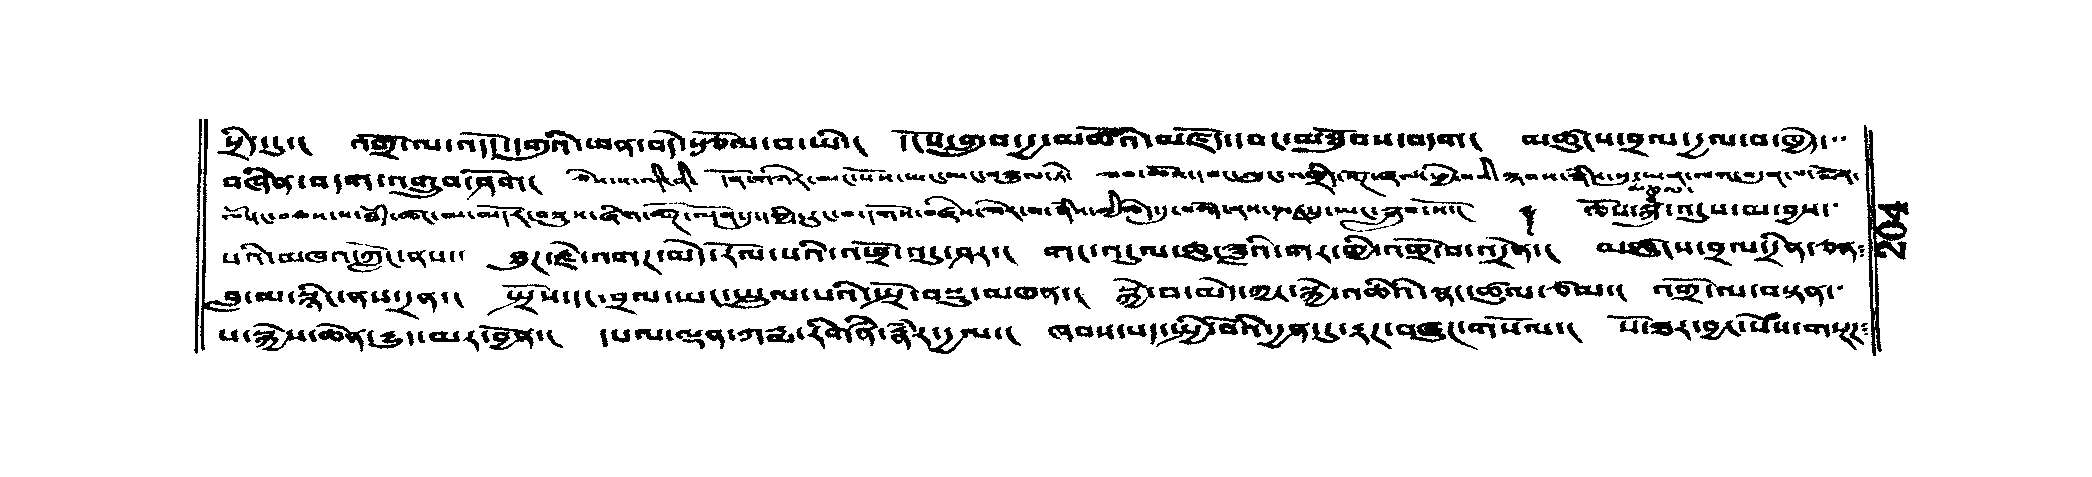སྲིད་དུ། །འགྲོ་ལ་འདོད་དགུའི་ཕན་བདེ་སྩོལ་བ་ཡི། །དངོས་གྲུབ་རྒྱ་མཚོའི་མཛོད་དབང་མཐུ་སྟོབས་བདག །མཚུངས་བྲལ་རྒྱལ་བ་ཁྱེད་
བཞིན་བདག་འགྲུབ་ཤོག ཅེས་པ་འདི་ནི་དོན་གཉེར་མང་པོས་ཡང་ཡང་བསྐུལ་ཏེ། ཟབ་ཆོས་དབང་ལུང་འཁྲིད་སོགས་ཞལ་ཕྱེ་བའི་སྐབས་རྣམས་སུ་མཎྜལ་ཡན་ལག་བདུན་པ་སྨོན་
ལམ་དང་བཅས་པ་ཐམས་ཅད་ཚང་ལ་མདོར་བསྡུས་ཞིག་ཚོགས་འདོན་དུ་བགྱིད་རུང་བ་དགོས་ཞེས་ཟེར་པ་རྣམས་ཀྱི་ཆེད་དུ་བཀོད་ནས་སྤར་དུ་བསྒྲུབས་པའོ། ། ༈ ཆོས་སྐུ་འདུས་མ་བྱས་
པའི་མཁའ་ཀློང་ནས། །ཐུགས་རྗེ་འགགས་མེད་རོལ་པའི་འཕྲོ་འདུ་ཤར། །གང་འདུལ་ཆུ་ཟླའི་གར་གྱི་འགྲོ་བ་འདྲེན། །མཚུངས་བྲལ་དྲིན་ཅན་
བླ་མ་སྙིང་ནས་དྲན། །སྤྲོས་དང་བྲལ་ཡང་སྤྲུལ་པའི་སྤྲོ་བསྡུ་མཁན། །སྐྱེ་བ་མེད་ཀྱང་སྐྱེ་འཆིའི་སྣང་ཚུལ་ཙམ། །འགྲོ་ལ་བསྟན་
པ་སྐྱེས་ཆེན་རྒྱུད་མར་བྱོན། །དཔལ་ལྡན་ཀརྨ་རིག་འཛིན་རྣམ་པར་རྒྱལ། །ཞབས་པད་སྤྱི་བོའི་རྒྱན་དུ་རྟག་བཞུགས་གསོལ། །སོ་ཐར་བྱང་སེམས་གསང་སྔགས་